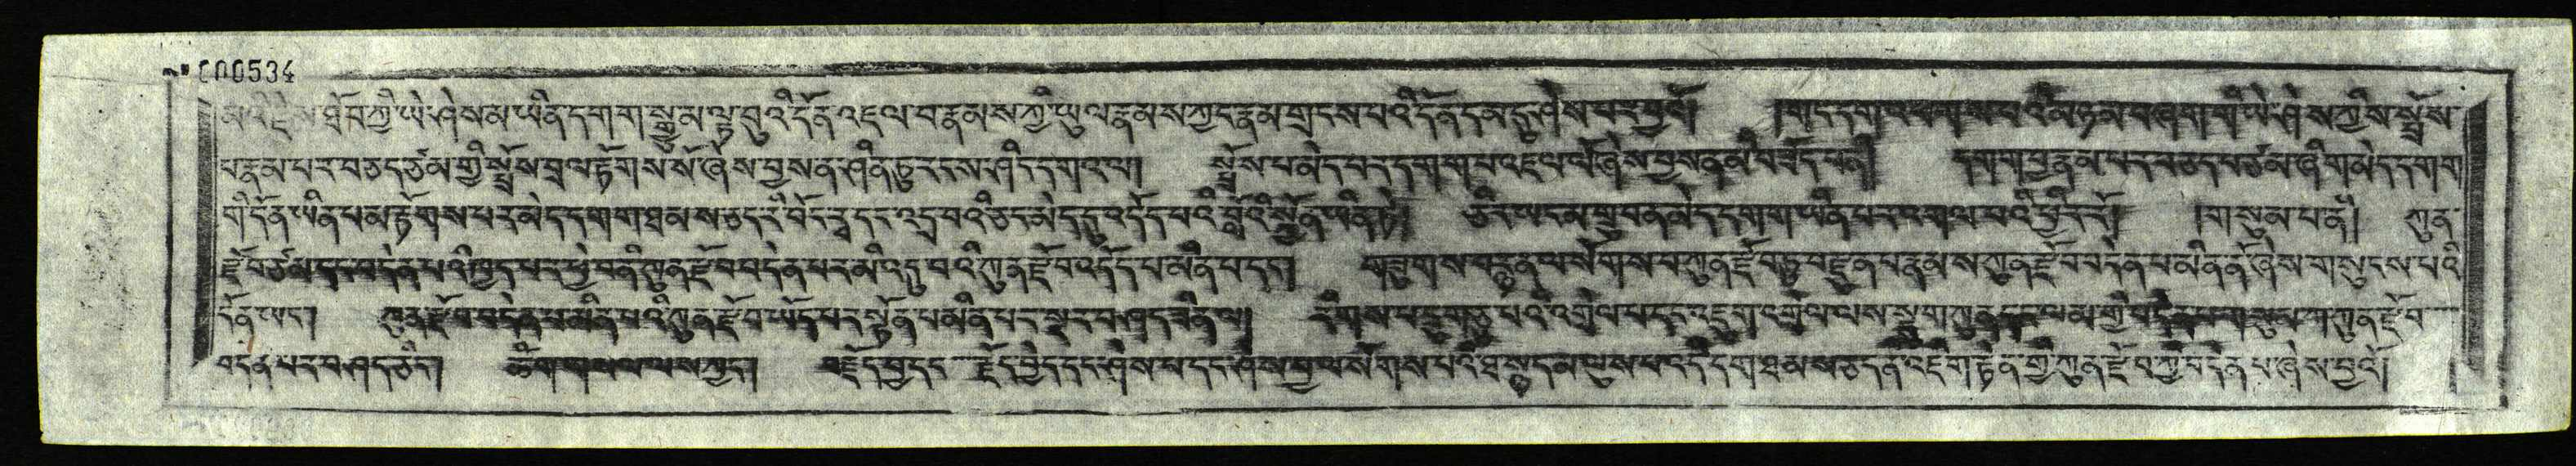མའི་རྗེས་ཐོབ་ཀྱི་ཡེ་ཤེས་མ་ཡིན་དགག་སྒྱུ་མ་ལྟ་བུའི་དོན་འཇལ་བ་རྣམས་ཀྱི་ཡུལ་རྣམས་ཀྱང་རྣམ་གྲངས་པའི་དོན་དམ་དུ་ཤེས་པར་བྱའོ། །གང་དག་འཕགས་པའི་མཉམ་བཞག་གི་ཡེ་ཤེས་ཀྱིས་སྤྲོས་
པ་རྣམ་པར་བཅད་ཙམ་གྱི་སྤྲོས་བྲལ་རྟོགས་སོ་ཞེས་བྱས་ན་ཤིན་ཏུ་རངས་ཤིང་དགའ་ལ། སྤྲོས་པ་མེད་པར་དགག་པ་འཇལ་ལོ་ཞེས་བྱས་ན་མི་བཟོད་པ་ནི། དགག་བྱ་རྣམ་པར་བཅད་པ་ཙམ་ཞིག་མེད་དགག་
གི་དོན་ཡིན་པ་མ་རྟོགས་པར་མེད་དགག་ཐམས་ཅད་རི་བོང་རྭ་དང་འདྲ་བའི་ཅང་མེད་དུ་འདོད་པའི་བློའི་སྐྱོན་ཡིན་ཏེ། ཅིར་ཡང་མ་གྲུབ་ན་མེད་དགག་ཡིན་པར་འགལ་བའི་ཕྱིར་རོ། །གསུམ་པ་ནི། ཀུན་
རྫོབ་ཙམ་དང་བདེན་པའི་ཁྱད་པར་ཕྱེ་བ་ནི་ཀུན་རྫོབ་བདེན་པར་མི་འདུ་བའི་ཀུན་རྫོབ་འདོད་པ་མིན་པ་དང་། གཟུགས་བརྙན་ལ་སོགས་པ་ཀུན་རྫོབ་ཏུ་བརྫུན་པ་རྣམས་ཀུན་རྫོབ་བདེན་པ་མིན་ནོ་ཞེས་གསུངས་པའི་
དོན་ཡང་། ཀུན་རྫོབ་བདེན་པ་མིན་པའི་ཀུན་རྫོབ་ཡོད་པར་སྟོན་པ་མིན་པར་སྔར་བཤད་ཟིན་ལ། རིགས་པ་དྲུག་ཅུ་པའི་འགྲེལ་པ་དང་འཇུག་འགྲེལ་ལས་སྡུག་ཀུན་དང་ལམ་གྱི་བདེན་པ་གསུམ་ཀ་ཀུན་རྫོབ་
བདེན་པར་བཤད་ཅིང་། ཚིག་གསལ་ལས་ཀྱང་། བརྗོད་བྱ་དང་རྗོད་བྱེད་དང་ཤེས་པ་དང་ཤེས་བྱ་ལ་སོགས་པའི་ཐ་སྙད་མ་ལུས་པ་འདི་དག་ཐམས་ཅད་ནི་འཇིག་རྟེན་གྱི་ཀུན་རྫོབ་ཀྱི་བདེན་པ་ཞེས་བྱའོ། །